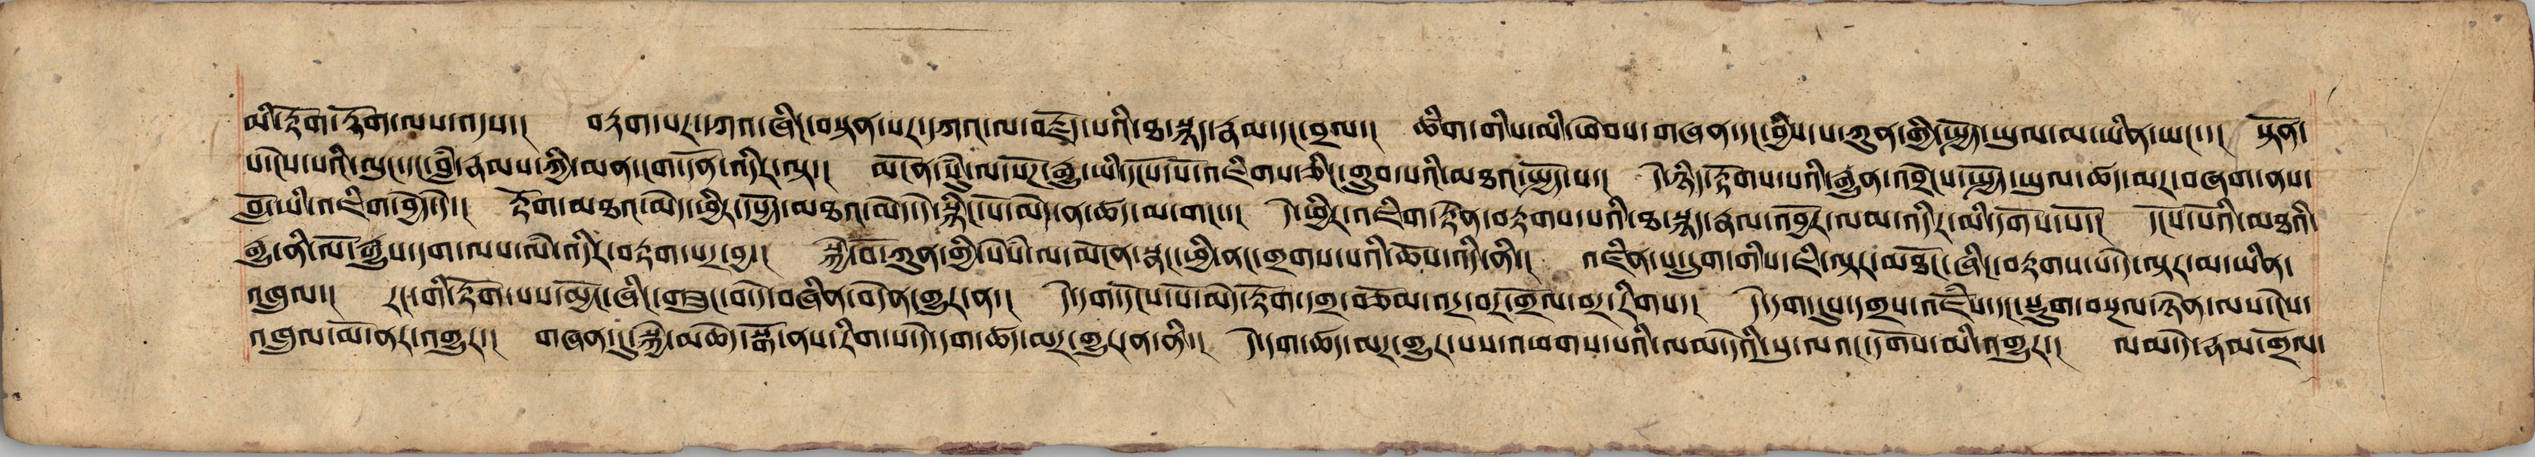མི་རྟོག་རྟོག་ལས་འདས་། བརྟག་པར་དཀའ་ཞིང་བསྟན་པར་དཀའ་ལ་བརྗོད་པའི་ཐ་སྙད་རྣམ་དང་བྲལ་། ཚིག་གིས་མི་ཕེབས་གཞན་དང་བྱིས་པ་ཀུན་གྱི་སྤྱོད་ཡུལ་མ་ཡིན་ཡང་་། སྟོན་
པ་ངེས་པའི་ལུང་དང་བླཾ་རྣམས་ཀྱི་མན་ངག་དོན་འདིར་ལྟ་། མངོན་སུཾ་ལ་སོཌ་རྒྱུ་ཡི་དངོས་པོ་འཇིགས་ཅིང་གྲུབ་པའི་མཐའ་སྤྱོད་པ་། དེ་ཉིད་རྟོགས་པའི་རྒྱུན་འབྲེངས་སྤྱོད་ཡུལ་ཚད་མར་བཞག་ནས་
བློ་ཡི་འཇིག་བྱེད་དེ་། རྟོག་མཐའ་མེད་ཕྱིར་དཔྱོད་མཐའ་མེད་དེ་སྙིང་པོ་མེད་ན་ཚད་མ་གང་་། དེ་ཕྱིར་འཇིག་རྟེན་བརྟགས་པའི་ཐ་སྙད་རྣལ་འབྱོར་ལམ་འདིར་མི་དགོས་སོ་། དངོས་པོའི་མཐའི་
རྒྱུ་ནི་ལོ་རྒྱུས་དག་ལས་ལཾ་འདིར་བརྟག་པར་བྱ་། སྐྱེ་བོ་ཀུན་གྱི་སེཾས་ལ་མངོན་སྣང་ཕྱི་ནང་གྲགས་པའི་ཆོས་ཉིད་ནི་། འཛིན་པ་དྲུག་གིས་ཇི་ལྟར་མཐོང་ཞིང་བརྟགས་པ་དེ་ལྟར་མ་ཡིན་
འཁྲུལ་། རང་གི་རྟོག་པས་མྱོང་ཞིང་གཟུང་བ་དེ་བཞིན་བདེན་གྱུར་ན་། དེ་དག་དངོས་པོ་མེད་རྟོག་དགྲ་བཅོམ་འདྲ་བར་གྲོལ་བར་རིགས་། དེ་དག་དུས་དགྲས་འཇོཾས་དང་སྡུག་བསྔལ་ཉེན་ལས་ངེས་
འཁྲུལ་མོ་ནར་འགྱུར་། གཞན་དུ་སྐྱེ་མཆེད་སྒོ་ནས་རིག་པ་དེ་དག་ཚད་མར་གྱུར་ན་ནི་། དེ་དག་ཚད་མར་གྱུར་པས་འཕགས་པའི་ལམ་དེའི་སུ་ལའང་དགོས་མི་འགྱུར་། ལམ་དེ་རྣམ་གྲོལ་